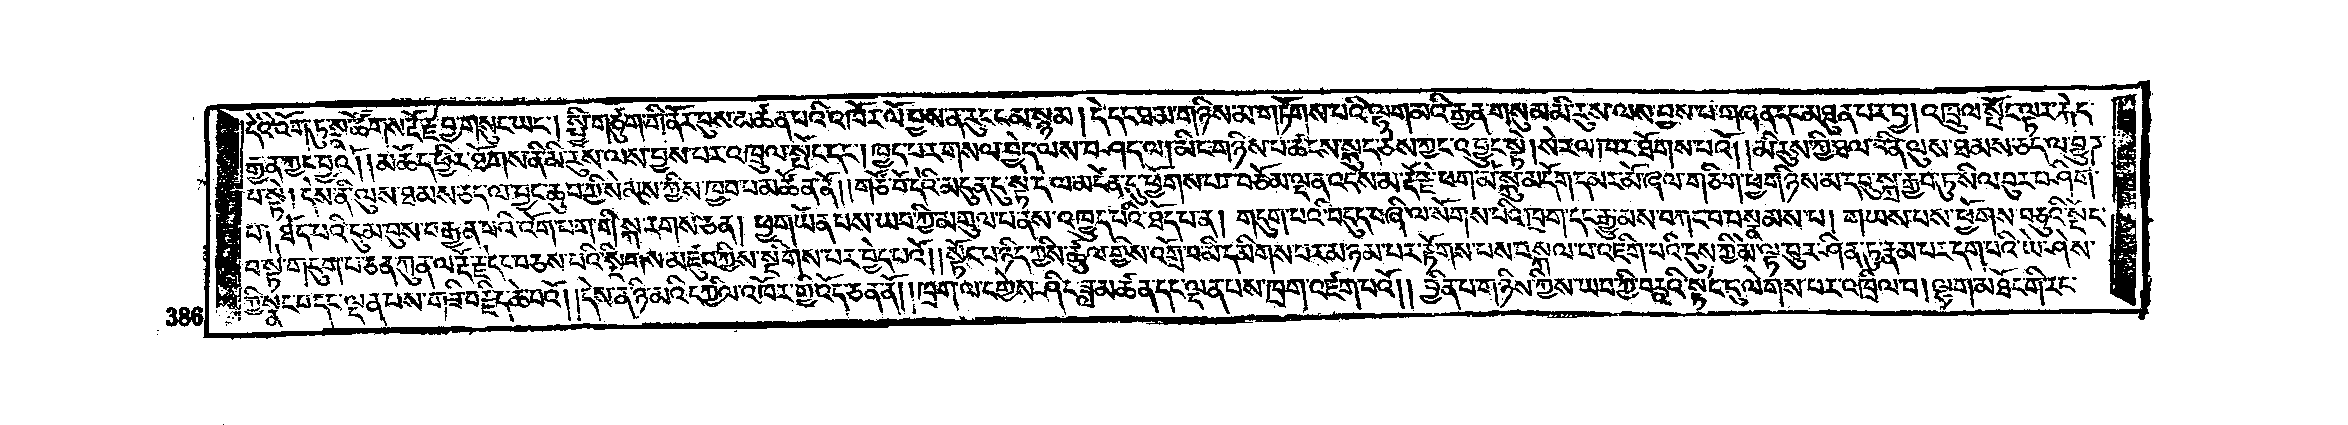དེའི་འོག་ཏུ་སྣ་ཚོགས་རྡོ་རྗེ་བྱ་གསུང་ཡང་། སྤྱི་གཙུག་གི་ནོར་བུས་མཚན་པའི་འཁོར་ལོ་བྱས་ན་རུང་ངམ་སྙམ། དེ་དང་ཐ་མ་གཉིས་མ་གཏོགས་པའི་ལྷག་མའི་རྒྱན་གསུམ་མི་རུས་ལས་བྱས་པ་གཞན་དང་མཐུན་པར་བྱ། འཁྲུལ་སྤོང་ལྟར་རྐེད་
རྒྱན་ཀྱང་བྱའོ། །མཆོད་ཕྱིར་ཐོགས་ནི་མི་རུས་ལས་བྱས་པར་འཁྲུལ་སྤོང་དང་། ཁྱད་པར་གསལ་བྱེད་ལས་བཤད་ལ། མིང་གཉིས་པ་ཚངས་སྐུད་ཅེས་ཀྱང་འབྱུང་སྟེ། སེ་རལ་ཁར་ཐོགས་པའོ། །མི་རུས་ཀྱི་ཐལ་བ་ནི་ལུས་ཐམས་ཅད་ལ་བྱུགས་
པ་སྟེ། དེས་ནི་ལུས་ཐམས་ཅད་ལ་བྱང་ཆུབ་ཀྱི་སེམས་ཀྱིས་ཁྱབ་པ་མཚོན་ནོ། །གཙོ་བོ་དེའི་མདུན་དུ་སྟེ་དེ་ལ་མངོན་དུ་ཕྱོགས་པར་བཅོམ་ལྡན་འདས་མ་རྡོ་རྗེ་ཕག་མོ་སྐུ་མདོག་དམར་མོ་ཞལ་གཅིག་ཕྱག་གཉིས་མ་དབུ་སྐྲ་རྒྱབ་ཏུ་སིལ་བུར་བཤིག་
པ། ཐོད་པའི་དུམ་བུས་བརྒྱན་པའི་འོག་པག་གི་སྐ་རགས་ཅན། ཕྱག་གཡོན་པས་ཡབ་ཀྱི་མགུལ་པ་ནས་འཁྱུད་པའི་ཐོད་པ་ན། གདུག་པའི་བདུད་བཞི་ལ་སོགས་པའི་ཁྲག་དང་རྒྱུ་མས་བཀང་བ་བསྣམས་པ། གྱས་པས་ཕྱོགས་བཅུའི་སྡོང་
བ་སྟེ་གདུག་པ་ཅན་ཀུན་ལ་རྡོ་རྗེ་དང་བཅས་པའི་སྡིགས་མཛུབ་ཀྱིས་སྡིགས་པར་བྱེད་པའོ། །སྟོང་པ་ཉིད་གྱིས་ཚུལ་གྱིས་འགྲོ་བ་མི་དམིགས་པར་མཉམ་པར་རྟོགས་པས་བསྐལ་པ་འཇིག་པའི་དུས་ཀྱི་མེ་ལྟ་བུར་ཤིན་ཏུ་རྣམ་པར་དག་པའི་ཡེ་ཤེས་
ཀྱི་སྣང་བ་དང་ལྡན་པས་གཟི་བརྗིད་ཆེ་བའོ། །དེས་ན་ཉི་མའི་དཀྱིལ་འཁོར་གྱི་འོད་ཅན་ནོ། །ཁྲག་ལ་དགྱེས་ཤིང་ཟླ་མཚན་དང་ལྡན་པས་ཁྲག་འཛག་པའོ། །བྱིན་པ་གཉིས་ཀྱིས་ཡབ་ཀྱི་བརླའི་སྟེང་དུ་ལེགས་པར་འཁྲིལ་བ། ལྷག་མཐོང་གི་རང་